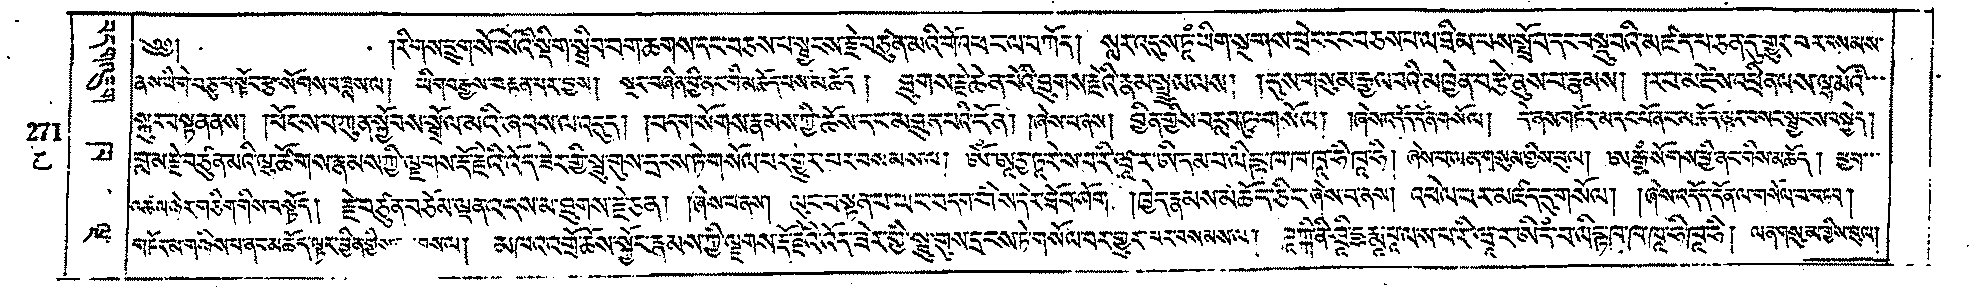༄༅། །རིགས་དྲུག་སོ་སོའི་སྡིག་སྒྲིབ་བག་ཆགས་དང་བཅས་པ་སྦྱངས་རྗེ་བཙུན་མའི་གོ་འཕང་ལ་བཀོད། སླར་འདུས་ཏཱཾ་ཡིག་སྔགས་ཕྲེང་དང་བཅས་པ་ལ་ཐིམ་པས་སྤྲོ་བ་དང་བསྡུ་བའི་མཛད་པ་ཅན་དུ་གྱུར་པར་བསམས་
ནས་ཡི་གེ་བཅུ་པ་སྟོང་རྩ་སོགས་བཟླས་ལ། ཡིག་བརྒྱས་བརྟན་པར་བྱས། སྔར་བཞིན་ཕྱི་ནང་གི་མཆོད་པས་མཆོད། ཐུགས་རྗེ་ཆེན་པོའི་ཐུགས་རྗེའི་རྣམ་སྤྲུལ་ལས། །དུས་གསུམ་རྒྱལ་བའི་མཁྱེན་བརྩེ་ནུས་པ་རྣམས། །རབ་མཛེས་འཕྲིན་ལས་ལྷ་མོའི་་་
སྐུར་བསྟན་ནས། །ཕོངས་པ་ཀུན་སྐྱོབས་སྒྲོལ་མའི་ཞབས་ལ་འདུད། །བདག་སོགས་རྣམས་ཀྱི་ཆོས་དང་མཐུན་པའི་དོན། །ཞེས་པ་ནས།  བྱིན་གྱིས་བརླབ་ཏུ་གསོལ། །ཞེས་འདོད་དོན་གསོལ། དེ་ནས་གཏོར་མ་དང་པོ་ནང་མཆོད་ལྟར་བསང་སྦྱངས་བསྐྱེད།
བླ་མ་རྗེ་བཙུན་མའི་ལྷ་ཚོགས་རྣམས་ཀྱི་ལྗགས་རྡོ་རྗེའི་འོད་ཟེར་གྱི་སྦུ་གུས་དྲངས་ཏེ་གསོལ་པར་གྱུར་པར་བསམས་ལ།  ཨོཾ་ཨཱརྱ་ཏཱ་རེ་ས་པ་རི་ཝཱ་ར་ཨི་དམ་བ་ལིངྟ་ཁ་ཁ་ཁཱ་ཧི་ཁཱ་ཧི། ཞེས་པ་ལན་གསུམ་གྱིས་ཕུལ།  ཨརྒྷཾ་སོགས་ཕྱི་ནང་གིས་མཆོད། ཕྱག་་་
འཚལ་ཉེར་གཅིག་གིས་བསྟོད། རྗེ་བཙུན་བཅོམ་ལྡན་འདས་མ་ཐུགས་རྗེ་ཅན། ། ཞེས་པ་ནས།  ལུང་བསྟན་པ་ཡང་བདག་གིས་དེར་ཐོབ་ཤོག །ཁྱེད་རྣམས་མཆོད་ཅིང་ཞེས་པ་ནས།  འཕེལ་བར་མཛད་དུ་གསོལ། །ཞེས་འདོད་དོན་ལ་གསོལ་བ་བཏབ།
གཏོར་མ་གཉིས་པ་ནང་མཆོད་ལྟར་བྱིན་གྱིས་བརླབས་ལ། མཁའ་འགྲོ་ཆོས་སྐྱོང་རྣམས་ཀྱི་ལྗགས་རྡོ་རྗེའི་འོད་ཟེར་གྱི་སྦུ་གུས་དྲངས་ཏེ་གསོལ་བར་གྱུར་པར་བསམས་ལ།  ཌཱཀྐི་ནི་ཤྲཱི་དྷ་རྨཱ་པཱ་ལ་ས་པ་རི་ཝཱ་ར་ཨི་དཾ་བ་ལིངྟ་ཁ་ཁ་ཁཱ་ཧི་ཁཱ་ཧི། ལན་གསུམ་གྱིས་ཕུལ།